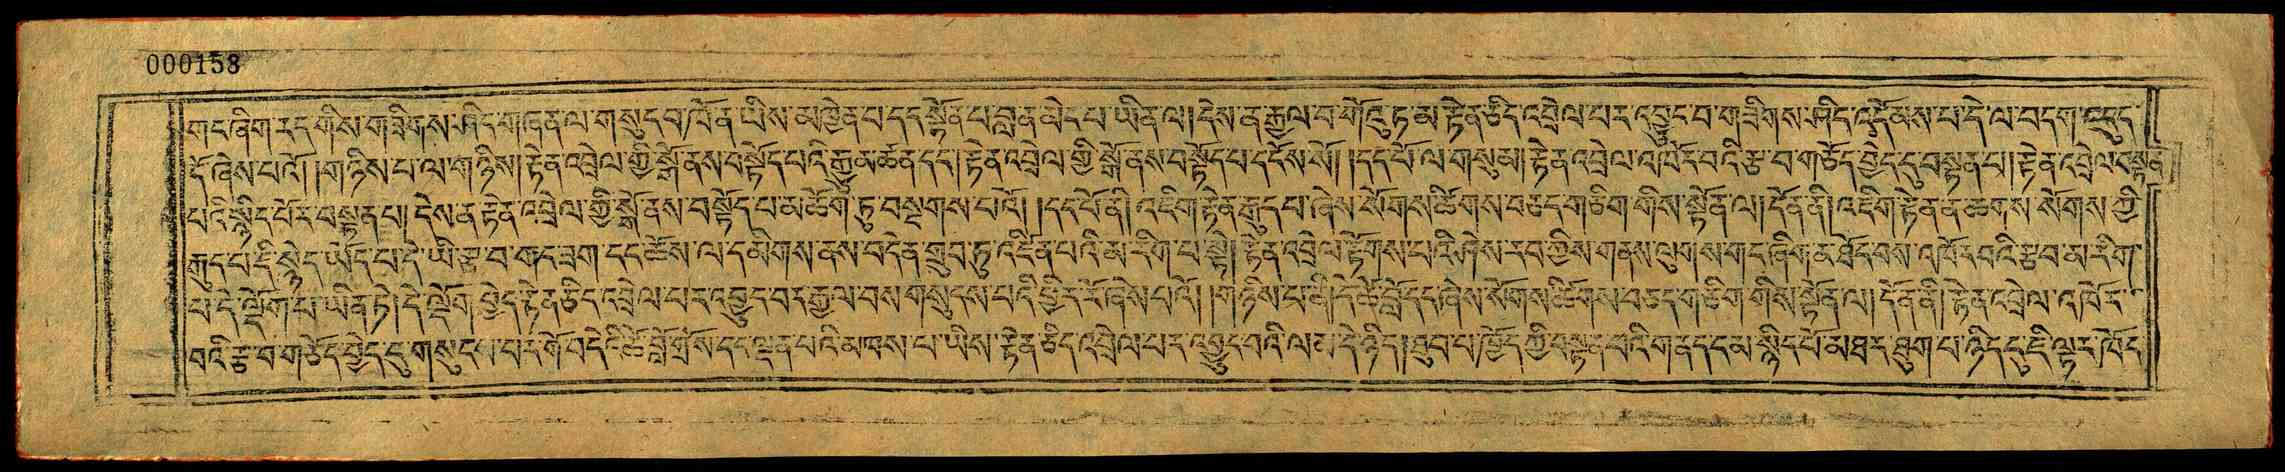གང་ཞིག་རང་གིས་གཟིགས་ཤིང་གཞན་ལ་གསུང་པ་ཁོ་ན་ཡིས་མཁྱེན་པ་དང་སྟོན་པ་བླ་ན་མེད་པ་ཡིན་ལ། དེས་ན་རྒྱལ་བ་གོའུ་ཏ་མ་རྟེན་ཅིང་འབྲེལ་པར་འབྱུང་བ་གཟིགས་ཤིང་འདོམས་པ་དེ་ལ་བདག་འདུད་
དོ་ཞེས་པའོ། །གཉིས་པ་ལ་གཉིས། རྟེན་འགྲེལ་གྱི་སྒོ་ནས་བསྟོད་པའི་རྒྱུ་མཚན་དང་། རྟེན་འབྲེལ་གྱི་སྒོ་ནས་བསྟོད་པ་དངོས་སོ། །དང་པོ་ལ་གསུམ། རྟེན་འབྲེལ་འཁོར་བའི་རྩ་བ་གཅོད་བྱེད་དུ་བསྟན་པ། རྟེན་འབྲེལ་བསྟན་
པའི་སྙིང་པོར་བསྟན་པ། དེས་ན་རྟེན་འབྲེལ་གྱི་སྒོ་ནས་བསྟོད་པ་མཆོག་ཏུ་བསྔགས་པའོ། །དང་པོ་ནི། འཇིག་རྟེན་རྒུད་པ་ཞེས་སོགས་ཚིགས་བཅད་གཅིག་གིས་སྟོན་ལ། དོན་ནི། འཇིག་རྟེན་ན་ཆགས་སོགས་ཀྱི་
རྒུད་པ་ཇི་སྙེད་ཡོད་པ་དེ་ཡི་རྩ་བ་གང་ཟག་དང་ཆོས་ལ་དམིགས་ནས་བདེན་གྲུབ་ཏུ་འཛིན་པའི་མ་རིག་པ་སྟེ། རྟེན་འབྲེལ་རྟོགས་པའི་ཤེས་རབ་ཀྱིས་གནས་ལུགས་གང་ཞིག་མཐོང་བས་འཁོར་བའི་རྩ་བ་མ་རིག་
པ་དེ་ལྡོག་པ་ཡིན་ཏེ། དེ་ལྡོག་བྱེད་རྟེན་ཅིང་འབྲེལ་པར་འབྱུང་བར་རྒྱལ་བས་གསུངས་པའི་ཕྱིར་རོ་ཞེས་པའོ། །གཉིས་པ་ནི། དེ་ཚེ་བློ་དང་ཞེས་སོགས་ཚིགས་བཅད་གཅིག་གིས་སྟོན་ལ། དོན་ནི། རྟེན་འབྲེལ་འཁོར་
བའི་རྩ་བ་གཅོད་བྱེད་དུ་གསུངས་པར་གོ་བ་དེའི་ཚེ་བློ་གྲོས་དང་ལྡན་པའི་མཁས་པ་ཡིས་རྟེན་ཅིང་འབྲེལ་པར་འབྱུང་བའི་ལམ་དེ་ཉིད། ཐུབ་པ་ཁྱོད་ཀྱི་བསྟན་པའི་གནད་དམ་སྙིང་པོ་མཐར་ཐུགས་ཉིད་དུ་ཇི་སྙེད་ཁོང་